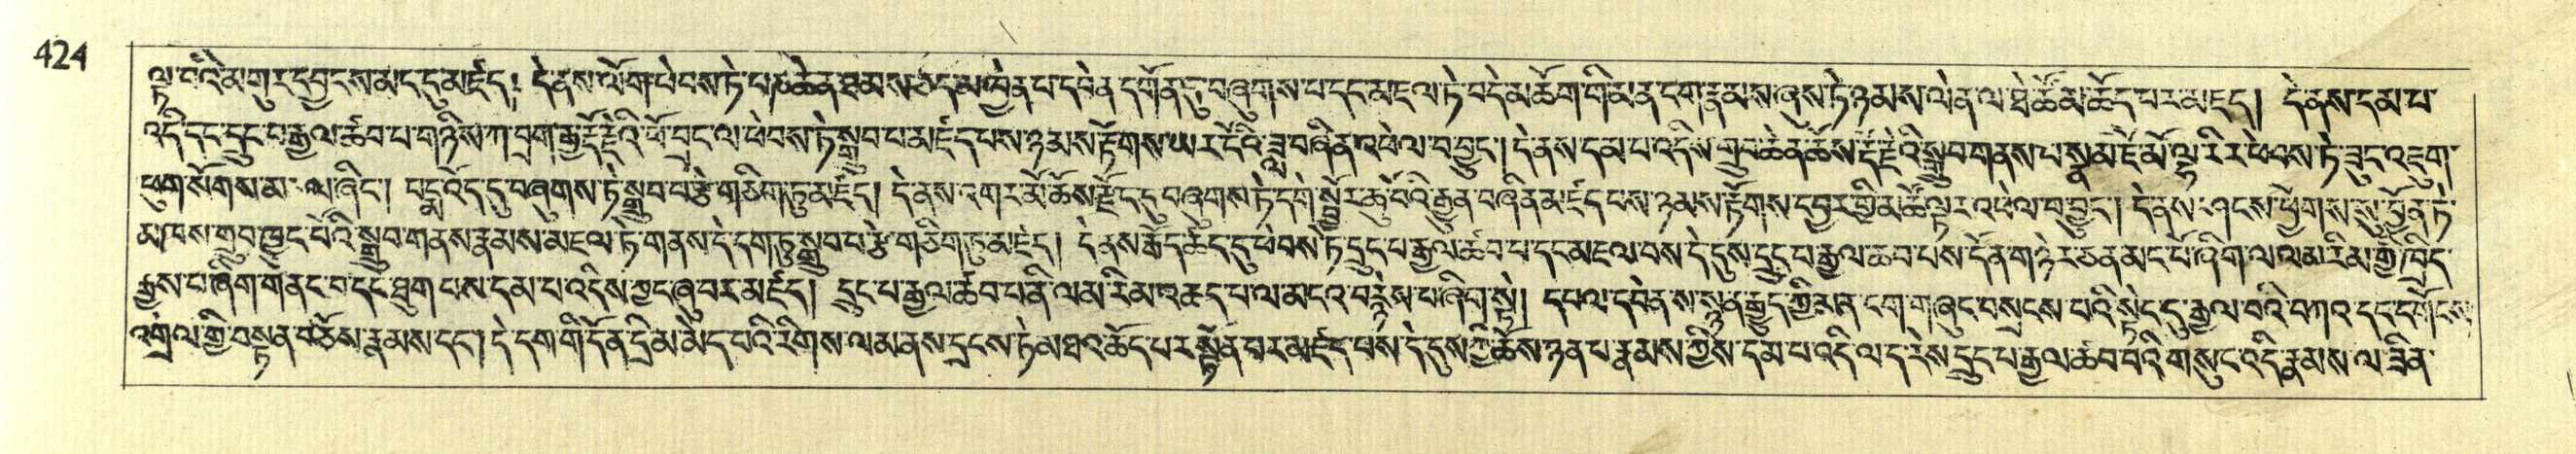ལྟ་བའི་མགུར་དབྱངས་མང་དུ་མཛད། དེ་ནས་ལོག་ཕེབས་ཏེ་པཎ་ཆེན་ཐམས་ཅད་མཁྱེན་པ་དབེན་དགོན་དུ་བཞུགས་པ་དང་མཇལ་ཏེ་བདེ་མཆོག་གི་མན་ངག་རྣམས་ཞུས་ཏེ་ཉམས་ལེན་ལ་ཐེ་ཚོམ་ཆོད་པར་མཇད། དེ་ནས་དམ་པ་
འདི་དང་དྲུང་པ་རྒྱལ་ཚབ་པ་གཉིས་ཀ་བྲག་རྒྱ་རྡོ་རྗེའི་ཕོ་བྲང་ལ་ཕེབས་ཏེ་སྒྲུབ་པ་མཛད་པས་ཉམས་རྟོགས་ཡར་ངོའི་ཟླ་བཞིན་འཕེལ་བ་བྱུང་། དེ་ནས་དམ་པ་འདིས་གྲུབ་ཆེན་ཆོས་རྡོ་རྗེའི་སྒྲུབ་གནས་པ་སྣམ་ཇོ་མོ་ལྷ་རིར་ཕེབས་ཏེ་ཟུང་འཇུག་
ཕུག་སོགས་མ་ལ་ཞིང་། པདམ་འོད་དུ་བཞུགས་ཏེ་སྒྲུབ་པ་རྩེ་གཅིག་ཏུ་མཛད། དེ་ནས་འགར་མོ་ཆོས་རྫོང་དུ་བཞུགས་ཏེ་དགེ་སྦྱོར་ཆུ་བོའི་རྒྱུན་བཞིན་མཛད་པས་ཉམས་རྟོགས་དབྱར་གྱི་མཚོ་ལྟར་འཕེལ་བ་བྱུང་། དེ་ནས་ཤངས་ཕྱོགས་སུ་བྱོན་ཏེ་
མཁས་གྲུབ་ཁྱུང་པོའི་སྒྲུབ་གནས་རྣམས་མཇལ་ཏེ་གནས་དེ་དག་ཏུ་སྒྲུབ་པ་རྩེ་གཅིག་ཏུ་མཛད། དེ་ནས་རྒོད་ཚང་དུ་ཕེབས་ཏེ་དྲུང་པ་རྒྱལ་ཚབ་པ་དང་མཇལ་བས་དེ་དུས་དྲུང་པ་རྒྱལ་ཆབ་པས་དོན་གཉེར་ཅན་མང་པོ་ཞིག་ལ་ལམ་རིམ་གྱི་ཁྲིད་
རྒྱས་པ་ཞིག་གནང་བ་དང་ཐུག་པས་དམ་པ་འདིས་ཀྱང་ཞུ་བར་མཛད། དྲུང་པ་རྒྱལ་ཚབ་པ་ནི་ལམ་རིམ་འཆད་པ་ལ་མངའ་བརྙེས་པ་ཞིག་སྟེ། དཔལ་དབེན་ས་སྙན་རྒྱུད་ཀྱི་མན་ངག་གཞུང་བསྲངས་པའི་སྟེང་དུ་རྒྱལ་བའི་བཀའ་དང་དགོངས་
འགྲེལ་གྱི་བསྟན་བཅོས་རྣམས་དང་། དེ་དག་གི་དོན་དྲི་མ་མེད་པའི་རིགས་ལམ་ནས་དྲངས་ཏེ་མཐའ་ཆོད་པར་སྟོན་པར་མཛད་པས་དེ་དུས་ཀྱི་ཆོས་ཉན་པ་རྣམས་ཀྱིས་དམ་པ་འདི་ལ་ད་རེས་དྲུང་པ་རྒྱལ་ཚབ་བའི་གསུང་འདི་རྣམས་ལ་ཟིན་